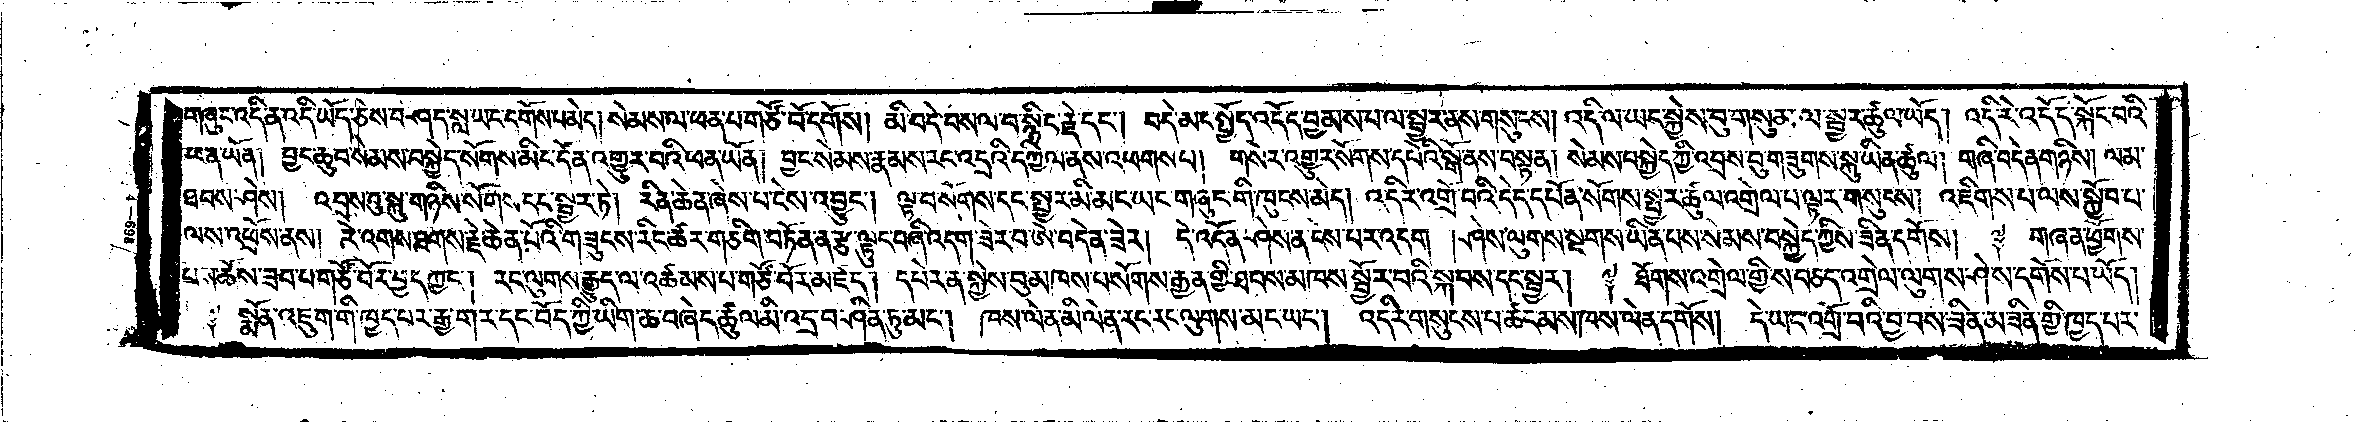གཞུང་འདི་ན་འདི་ཡོད་ཅེས་བཤད་སླ་ཡང་དགོས་པ་མེད། སེམས་ལ་ཕན་པ་གཙོ་བོ་དགོས། མི་བདེ་བསལ་བ་སྙིང་རྗེ་དང་། བདེ་མང་སྤྱོད་འདོད་བྱམས་པ་ལ་སྦྱར་ནས་གསུངས། འདི་ལ་ཡང་སྐྱེས་བུ་གསུམ་ལ་སྦྱར་ཚུལ་ཡོད། འདི་རེ་འདོད་སྐོང་བའི་
ཕན་ཡོན། བྱང་ཆུབ་སེམས་བསྐྱེད་སོགས་མིང་དོན་འགྱུར་བའི་ཕན་ཡོན། བྱང་སེམས་རྣམས་རང་འདྲའི་དཀྱིལ་ནས་འཕགས་པ། གསེར་འགྱུར་སོགས་དཔེའི་སྒོ་ནས་བསྟན། སེམས་བསྐྱེད་ཀྱི་འབྲས་བུ་གཟུགས་སྐུ་ཡིན་ཚུལ། གཞི་བདེན་གཉིས། ལམ་
ཐབས་ཤེས། འབྲས་བུ་སྐུ་གཉིས་སོགས་དང་སྦྱར་ཏེ། རིན་ཆེན་ཞེས་པ་ངེས་འབྱུང་། ལྟ་བ་སོགས་དང་སྦྱར་མི་མང་ཡང་གཞུང་གི་ཁུངས་མེད། འདིར་འགྲོ་བའི་དེད་དཔོན་སོགས་སྦྱར་ཚུལ་འགྲེལ་པ་ལྟར་གསུངས། འཇིགས་པ་ལས་སྐྱོབ་པ་
ལས་འཕྲོས་ནས། རེ་འགས་ཐུགས་རྗེ་ཆེན་པོའི་གཟུངས་རིང་ཚར་གཅིག་བཏོན་ན་རྩ་ལྟུང་བཞི་འདག་ཟེར་བ་ཨེ་བདེན་ཟེར། དེ་འདོན་ཤེས་ན་ངེས་པར་འདག །ཤེས་ལུགས་སྔགས་ཡིན་པས་སེམས་བསྐྱེད་ཀྱིས་ཟིན་དགོས། ༈ གཞན་ཕྱོགས་
པས་ཆོས་ཟབ་པ་གཙོ་བོར་བྱད་ཀྱང་། རང་ལུགས་རྒྱུད་ལ་འཚམས་པ་གཙོ་བོར་མཛད། དཔེར་ན་སྐྱེས་བུ་མཁས་པ་སོགས་རྒྱན་གྱི་ཐབས་མཁས་སྦྱོར་བའི་སྐབས་དང་སྦྱར། ༈ ཐོགས་འགྲེལ་གྱི་ས་བཅད་འགྲེལ་ལུགས་ཤེས་དགོས་པ་ཡོད།
༈ སྨོན་འཇུག་གི་ཁྱད་པར་རྒྱ་གར་དང་བོད་ཀྱི་ཡིག་ཆ་བཞེད་ཚུལ་མི་འདྲ་བ་ཤིན་ཏུ་མང་། ཁས་ལེན་མི་ལེན་རང་རང་ལུགས་མང་ཡང་། འདིར་གསུངས་པ་ཚང་མས་ཁས་ལེན་དགོས། དེ་ཡང་འགྲོ་བའི་བྱ་བས་ཟིན་མ་ཟིན་གྱི་ཁྱད་པར་